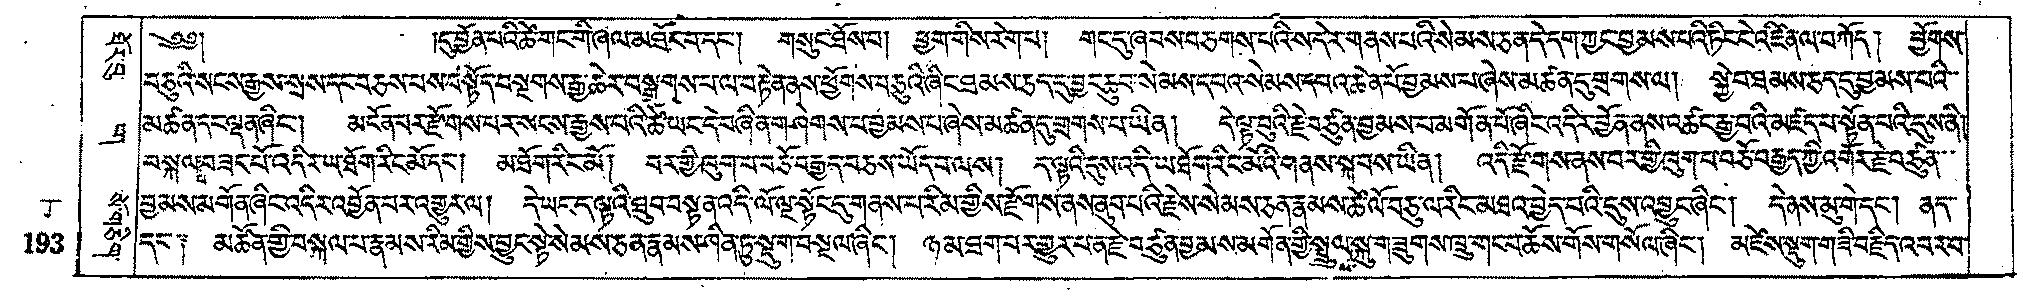༄༅། །དུ་བྱོན་པའི་ཚེ་གང་གི་ཞལ་མཐོང་བ་དང་། གསུང་ཐོས་པ། ཕྱག་གིས་རེག་པ། གང་དུ་ཞབས་བཅགས་པའི་ས་དེར་གནས་པའི་སེམས་ཅན་དེ་དག་ཀྱང་བྱམས་པའི་ཏིང་ངེ་འཛིན་ལ་བཀོད། ཕྱོགས་
བཅུའི་སངས་རྒྱས་སྲས་དང་བཅས་པས་བསྟོད་བསྔགས་རྒྱ་ཆེར་བསྒྲགས་པ་ལ་བརྟེན་ནས་ཕྱོགས་བཅུའི་ཞིང་ཐམས་ཅད་དུ་བྱང་ཆུབ་སེམས་དཔའ་སེམས་དཔའ་ཆེན་པོ་བྱམས་པ་ཞེས་མཚན་དུ་གྲགས་ལ། སྐྱེ་བ་ཐམས་ཅད་དུ་བྱམས་པའི་་་
མཚན་དང་ལྡན་ཞིང་། མངོན་པར་རྫོགས་པར་སངས་རྒྱས་པའི་ཚེ་ཡང་དེ་བཞིན་གཤེགས་པ་བྱམས་པ་ཞེས་མཚན་དུ་གྲགས་པ་ཡིན། དེ་ལྟ་བུའི་རྗེ་བཙུན་བྱམས་པ་མགོན་པོ་ཞིང་འདིར་བྱོན་ནས་འཚང་རྒྱ་བའི་མཛད་པ་སྟོན་པའི་དུས་ནི།
བསྐལ་པ་བཟང་པོ་འདིར་ཡ་ཐོག་རིང་མོ་དང་། མ་ཐོག་རིང་མོ། བར་གྱི་ཁུག་པ་བཅོ་བརྒྱད་བཅས་ཡོད་པ་ལས། ད་ལྟའི་དུས་འདི་ཡ་ཐོག་རིང་མོའི་གནས་སྐབས་ཡིན། འདི་རྫོགས་ནས་བར་གྱི་ཁུག་པ་བཅོ་བརྒྱད་ཀྱི་འགོར་རྗེ་བཙུན་་་
བྱམས་མགོན་ཞིང་འདིར་འབྱོན་པར་འགྱུར་ལ། དེ་ཡང་ད་ལྟའི་ཐུབ་བསྟན་འདི་ལོ་ལྔ་སྟོང་དུ་གནས་པ་རིམ་གྱིས་རྫོགས་ནས་ནུབ་པའི་རྗེས་སེམས་ཅན་རྣམས་ཚེ་ལོ་བཅུ་ལ་རིང་མཐའ་བྱེད་པའི་དུས་འབྱུང་ཞིང་། དེ་ནས་མུ་གེ་དང་། ནད་་་
དང༑ མཚོན་གྱི་བསྐལ་པ་རྣམས་རིམ་གྱིས་བྱུང་སྟེ་སེམས་ཅན་རྣམས་ཤིན་ཏུ་སྡུག་བསྔལ་ཞིང་། ཉམ་ཐག་པར་གྱུར་པ་ན་རྗེ་བཙུན་བྱམས་མགོན་གྱི་སྤྲུལ་པ་སྐུ་གཟུགས་ཁྲུ་གང་པ་ཆོས་གོས་གསོལ་ཞིང་། མཛེས་སྡུག་གཟི་བརྗིད་འབར་བ་